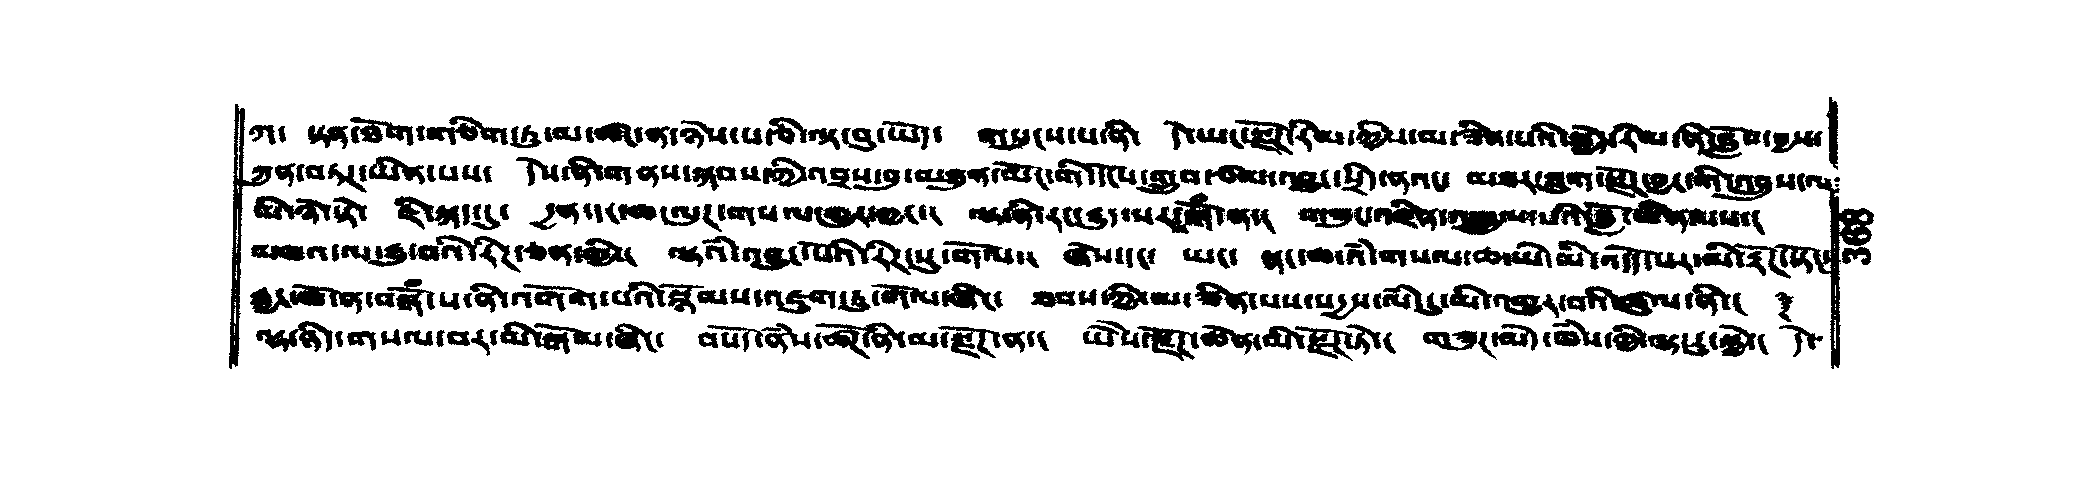ཀ་སྟན་ཐོག་གཅིག་ཏུ་མ་ཚང་ན་ཉེས་པ་ཅི་ལྟ་བུ་ཡོད་གསུངས་པ་ནི། དེ་ཡང་རྫོགས་རིམ་གྱིས་མ་ཟིན་པའི་བསྐྱེད་རིམ་ནི་བློས་བྱས་
ཀུན་བཏགས་ཡིན་པས། དེས་ནི་གནས་སྐབས་ཀྱི་འབྲས་བུ་ཐུན་མོང་གི་དངོས་གྲུབ་ཙམ་འབྱུང་སྲིད་ནའང་། མཐར་ཐུག་རྫོགས་བྱང་གི་འབྲས་བུ་ལ་
མི་ཉེ་སྟེ། ཇི་སྐད་དུ། རྒྱན་དང་ཆ་ལུགས་གསལ་གྱུར་ཀྱང་། །ལྷ་ནི་རང་རྒྱུད་པར་བསྒོམ་ན། །གཟུང་འཛིན་འཁྲུལ་པའི་བློ་ཡིན་པས། །
མཁའ་ལ་རྒྱུ་བའི་རིགས་ཅན་གྱི། །ལྷའམ་འབྱུང་པོའི་རིགས་སུ་གོལ། ཞེས་དང་། ཡང་། སྣང་ཆའམ་གསལ་ཆ་ཡེ་མི་འདོད་པར་མི་རྟོག་སྟོང་
རྐྱང་ཁོ་ན་བསྒོམ་པ་ནི་འགོག་པའི་སྙོམས་འཇུག་ཏུ་གོལ་ཞིང་། ཐབས་ཀྱི་མ་ཟིན་པས་སངས་རྒྱས་ལམ་དུ་མི་འགྱུར་བའི་ཚུལ་ནི། 
ལྷ་ཉིད་གསལ་བར་མི་སྒོམ་ཞིང་། །བསོད་ནམས་ཚོགས་ནི་མ་རྫོགས་ན། །ཡེ་ཤེས་ཚོགས་ཆེན་མི་རྫོགས་ཏེ། །གཟུགས་མེད་ཁམས་ཀྱི་ལྷ་རུ་སྐྱེ། །དེ་